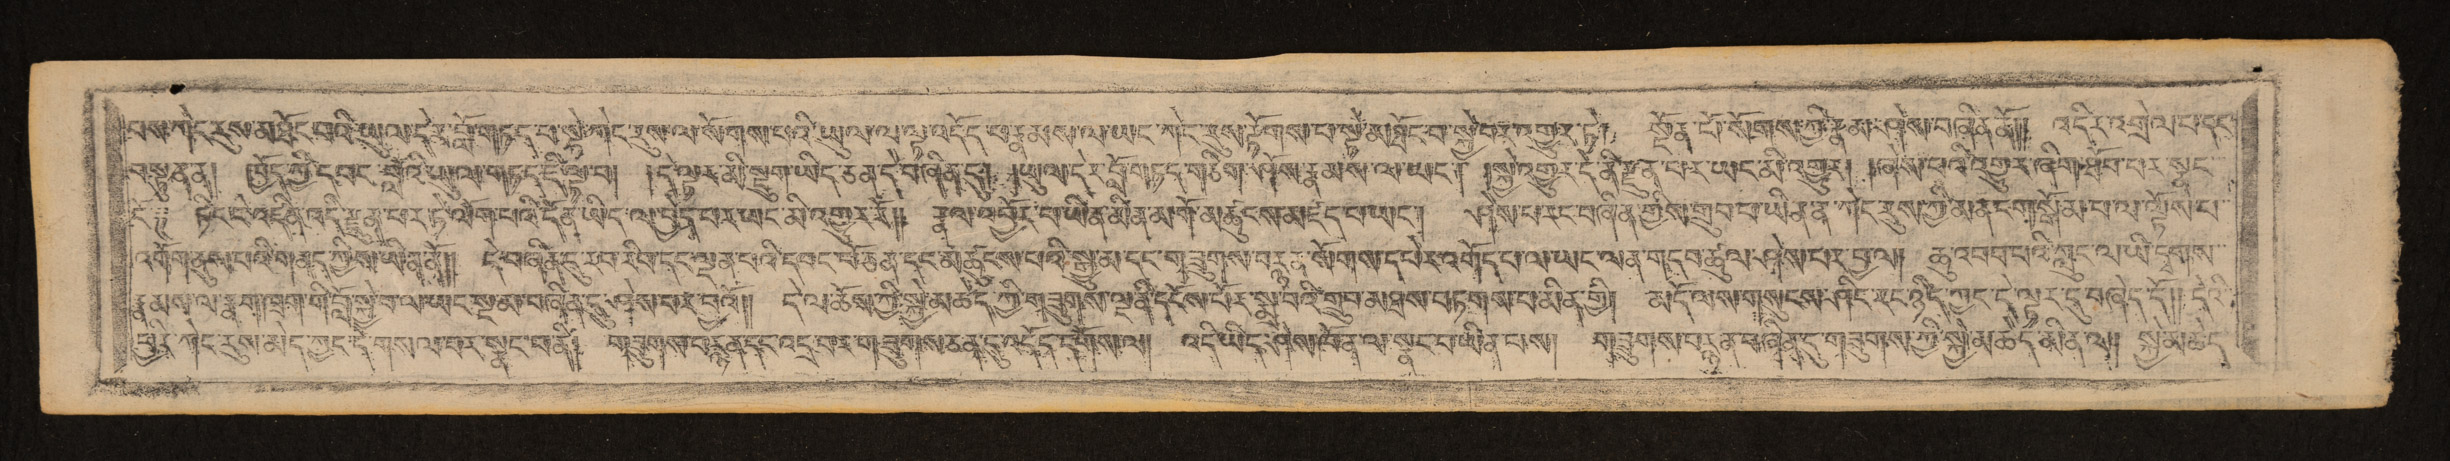བས་ཀེང་རུས་མཐོང་བའི་ཡུལ་དེར་བློ་གཏད་པ་སྟེ་ཀེང་རུས་ལ་སོགས་པའི་ཡུལ་ལ་ལྟ་འདོད་པ་རྣམས་ལ་ཡང་ཀེང་རུས་རྟོགས་པ་སྟེ་མཐོང་བ་སྐྱེ་བར་འགྱུར་ཏེ། སྔོན་པོ་སོགས་ཀྱི་རྣམ་ཤེས་བཞིན་ནོ།། འདིར་འགྲེལ་པ་དང་
བསྟུན་ན། ཁྱོད་ཀྱི་དབང་བློའི་ཡུལ་གཏད་ཇི་ལྟ་བ། །དེ་ལྟར་མི་སྡུག་ཡིད་ཅན་དེ་བཞིན་དུ། །ཡུལ་དེར་བློ་གཏད་གཅིག་ཤོས་རྣམས་ལ་ཡང་། །སྐྱེ་འགྱུར་དེ་ནི་རྫུན་པར་ཡང་མི་འགྱུར། །ཞེས་པའི་འགྱུར་ཞིག་ཐོབ་པར་སྣང་
ངོ༑༑ ཏིང་ངེ་འཛིན་འདི་བརྫུན་པར་ཏེ་ལོག་པའི་དོན་ཡིད་ལ་བྱེད་པར་ཡང་མི་འགྱུར་རོ།། རྣལ་འབྱོར་པ་ཡིན་མིན་མགོ་མཚུངས་མཛད་པ་ཡང་། ཤེས་པ་རང་བཞིན་གྱིས་གྲུབ་པ་ཡིན་ན་ཀེང་རུས་ཀྱི་མན་ངག་སྒོམ་པ་ལ་ལྟོས་པ་
འགོག་ནུས་པའི་གནད་ཀྱིས་ཡིན་ནོ།། དེ་བཞིན་དུ་རབ་རིབ་དང་ལྡན་པའི་དབང་པོ་ཅན་དང་མཚུངས་པའི་སྒྱུ་མ་དང་གཟུགས་བརྙན་སོགས་དཔེར་འགོད་པ་ལ་ཡང་ལན་གདབ་ཚུལ་ཤེས་པར་བྱ་ལ། ཆུ་འབབ་པའི་ཀླུང་ལ་ཡི་དྭགས་
རྣམས་ལ་རྣག་ཁྲག་གི་བློ་སྐྱེ་བ་ལ་ཡང་སྔ་མ་བཞིན་དུ་ཤེས་པར་བྱའོ།། དེ་ལ་ཆོས་ཀྱི་སྐྱེ་མཆེད་ཀྱི་གཟུགས་ལྔ་ནི་དངོས་པོར་སྨྲ་བའི་གྲུབ་མཐས་བཏགས་པ་མིན་གྱི། མདོ་ལས་གསུངས་ཤིང་རང་ཉིད་ཀྱང་དེ་ལྟར་དུ་བཞེད་དོ།། དེའི་
ཕྱིར་ཀེང་རུས་མེད་ཀྱང་དེ་གསལ་བར་སྣང་བ་ནི། གཟུགས་བརྙན་དང་འདྲ་བར་གཟུགས་ཅན་དུ་འདོད་དགོས་ལ། འདི་ཡིད་ཤེས་ཁོ་ན་ལ་སྣང་བ་ཡིན་པས། གཟུགས་བརྙན་བཞིན་དུ་གཟུགས་ཀྱི་སྐྱེ་མཆེད་མིན་ལ། སྐྱེ་མཆེད་